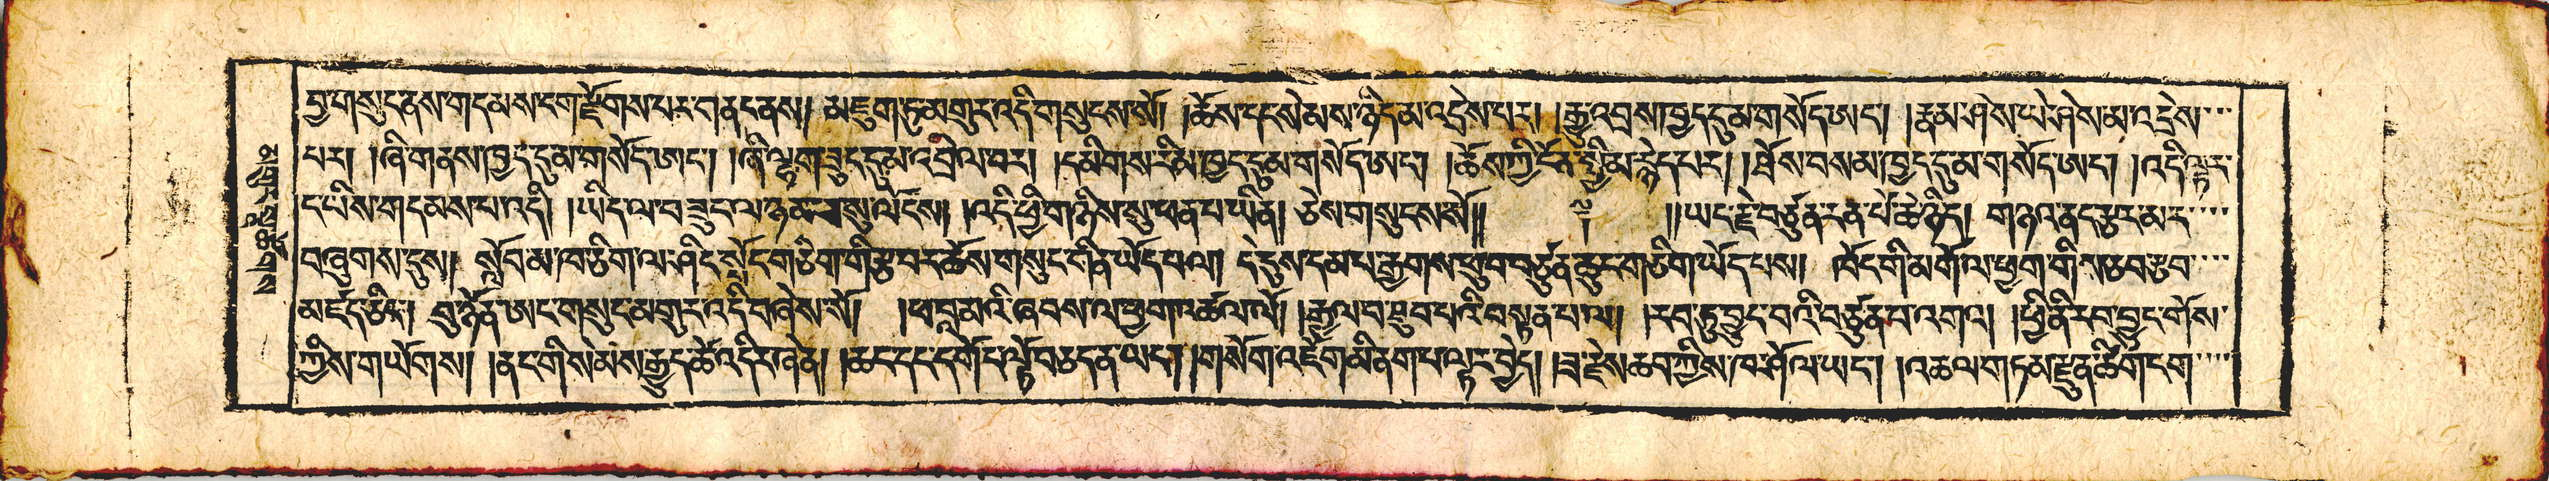བྱ་གསུང་ནས་གདམས་ངག་རྫོགས་པར་གནང་ནས། མཇུག་ཏུ་མགུར་འདི་གསུངས་སོ། །ཆོས་དང་སེམས་ཉིད་མ་འདྲེས་པར། །རྒྱུ་འབྲས་ཁྱད་དུ་མ་གསོད་ཨང་། །རྣམ་ཤེས་ཡེ་ཤེས་མ་འདྲེས་
པར། །ཞི་གནས་ཁྱད་དུ་མ་གསོད་ཨང་། །ཞི་ལྷག་ཟུང་དུམ་འབྲེལ་བར། །དམིགས་རིམ་ཁྱད་དུ་མ་གསོད་ཨང་། །ཆོས་ཀྱི་དོན་སྤྱི་མ་རྙེད་པར། །ཐོས་བསམ་ཁྱད་དུ་མ་གསོད་ཨང། །འདི་ལྟར་
ང་ཡིས་གདམས་པ་འདི། །ཡིད་ལ་བཟུང་ལ་ཉམས་སུ་ལོངས། །འདི་ཕྱི་གཉིས་སུ་ཕན་པ་ཡིན། ཅེས་གསུངས་སོ། །ཡང་རྗེ་བཙུན་རན་པ་ཆེ་ཉིད། གཉའ་ནང་རྩར་མར་
བཞུགས་དུས། སློབ་མ་ཁ་ཅིག་ལ་ཤིང་སྡོང་གཅིག་གི་རྩ་བར་ཆོས་གསུང་གིན་ཡོད་པ་ལ། དེ་དུས་དམ་པ་རྒྱགས་ཕུ་བ་བཙུན་ཆུང་གཅིག་ཡོད་པས། ཁོང་གི་མགོ་ལ་ཕྱག་གིས་ཅབ་རྩབ་
མཛད་ཅིང་། བུ་ཉོན་ཨང་གསུང་མགུར་འདི་བཞེས་སོ། །ཕ་བླ་མའི་ཞབས་ལ་ཕྱག་འཚལ་ལོ། །རྒྱལ་བ་ཐུབ་པའི་བསྟན་པ་ལ། །རབ་ཏུ་བྱུང་བའི་བཙུན་པ་འགའ། །ཕྱི་ནི་རབ་བྱུང་གོས་
ཀྱིས་གཡོགས། །ནང་གི་སེམས་རྒྱུད་ཚེ་འདིར་ཞེན། །ཆང་དང་དགོང་ལྟོ་བཅད་ན་ཡང་། །གསོག་འཇོག་མི་ནག་པ་ལྟར་བྱེད། །ཟ་རྗེས་ཆབ་ཀྱིས་ཁ་ཤོལ་ཡང་། །འཆལ་གཏམ་རྫུན་ཚིག་ངག་